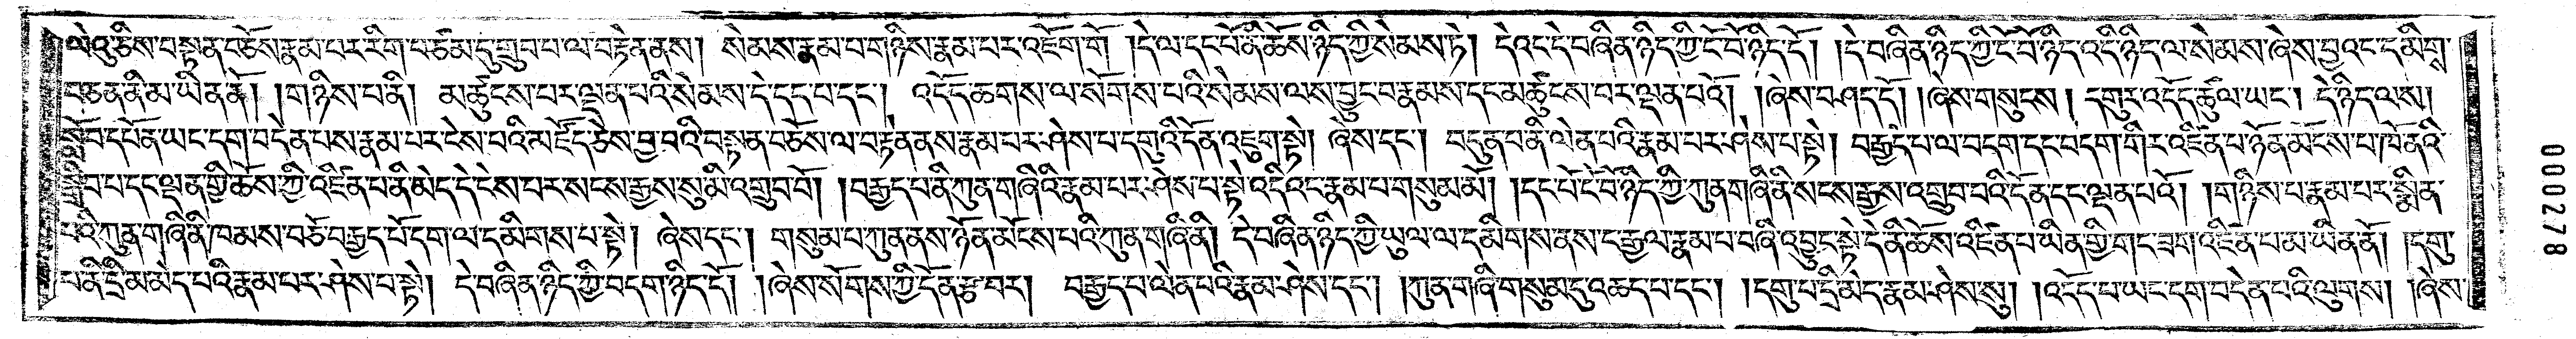ལེའུ་ཅིས་བསྟན་བཅོས་རྣམ་པར་རིག་པ་ཙམ་དུ་གྲུབ་པ་ལ་བརྟེན་ནས། སེམས་རྣམ་པ་གཉིས་རྣམ་པར་འཇོག་གོ །དེ་ལ་དང་པོ་ནི་ཆོས་ཉིད་ཀྱི་སེམས་ཏེ། དེའང་དེ་བཞིན་ཉིད་ཀྱི་ངོ་བོ་ཉིད་དོ། །དེ་བཞིན་ཉིད་ཀྱི་ངོ་བོ་ཉིད་འདི་ཉིད་ལ་སེམས་ཞེས་བྱའང་དམིགས་
བ་ཅན་ནི་མ་ཡིན་ནོ། །གཉིས་པ་ནི། མཚུངས་པར་ལྡན་པའི་སེམས་དེ་དད་པ་དང་། འདོད་ཆགས་ལ་སོགས་པའི་སེམས་ལས་བྱུང་པ་རྣམས་དང་མཚུངས་པར་ལྡན་པའོ། །ཞེས་བཤད་དོ། །ཞེས་གསུངས། དགུར་འདོད་ཚུལ་ཡང་། དེ་ཉིད་ལས།
སློབ་དཔོན་ཡང་དག་བདེན་པས་རྣམ་པར་ངེས་པའི་མཛོད་ཅེས་བྱ་བའི་བསྟན་བཅོས་ལ་བརྟེན་ནས་རྣམ་པར་ཤེས་པ་དགུའི་དོན་འཇུག་སྟེ། ཞེས་དང་། བདུན་པ་ནི་ལེན་པའི་རྣམ་པར་ཤེས་པ་སྟེ། བརྒྱད་པ་ལ་བདག་དང་བདག་གིར་འཛིན་པ་ཉོན་མོངས་པ་ཁོ་ནའི་
སྒྲིབ་པ་དང་ལྡན་གྱི་ཆོས་ཀྱི་འཛིན་པ་ནི་མེད་དེ་ངེས་པར་སངས་རྒྱས་སུ་མི་འགྲུབ་བོ། །བརྒྱད་པ་ནི་ཀུན་གཞིའི་རྣམ་པར་ཤེས་པ་སྟེ་འདིའང་རྣམ་པ་གསུམ་མོ། །དང་པོ་ངོ་བོ་ཉིད་ཀྱི་ཀུན་གཞི་ནི་སངས་རྒྱས་འགྲུབ་པའི་དོན་དང་ལྡན་པའོ། །གཉིས་པ་རྣམ་པར་སྨིན་
པའི་ཀུན་གཞི་ནི་ཁམས་བཅོ་བརྒྱད་པོ་དག་ལ་དམིགས་པ་སྟེ། ཞེས་དང་། གསུམ་པ་ཀུན་ནས་ཉོན་མོངས་པའི་ཀུན་གཞི་ནི། དེ་བཞིན་ཉིད་ཀྱི་ཡུལ་ལ་དམིགས་ནས་ང་རྒྱལ་རྣམ་པ་བཞི་འབྱུང་སྟེ་དེ་ནི་ཆོས་འཛིན་པ་ཡིན་གྱི་གང་ཟག་འཛིན་པ་མ་ཡིན་ནོ། །དགུ་
པ་ནི་དྲི་མ་མེད་པའི་རྣམ་པར་ཤེས་པ་སྟེ། དེ་བཞིན་ཉིད་ཀྱི་བདག་ཉིད་དོ། །ཞེས་སོགས་ཀྱི་དོན་རྩ་བར། བརྒྱད་པ་ལེན་པའི་རྣམ་ཤེས་དང་། །ཀུན་གཞི་གསུམ་དུ་འཆད་པ་དང་། །དགུ་པ་དྲི་མེད་རྣམ་ཤེས་སུ། །འདོད་པ་ཡང་དག་བདེན་པའི་ལུགས། །ཞེས་